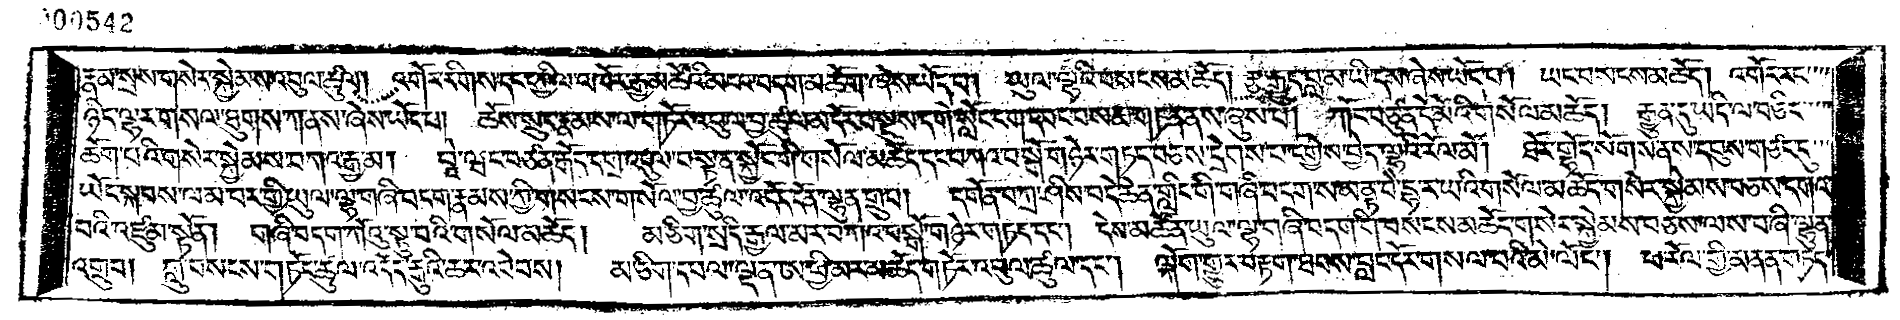རྣམ་སྲས་གསེར་སྐྱེམས་འབུལ་ཚུལ་འགོར་རིགས་དང་དཀྱིལ་འཁོར་རྒྱ་མཚོའི་མངའ་བདག་མཆོག་ཞེས་ཡོད་པ། ཡུལ་ལྷའི་བསངས་མཆོད། རྩ་རྒྱུད་བླ་མ་ཡི་དམ་ཞེས་ཡོད་པ།  ཡང་བསངས་མཆོད། འགོར་རང་
ཉིད་ལྷར་གསལ་ཐུགས་ཀ་ནས་ཞེས་ཡོད་པ། ཆོས་སྲུང་རྣམས་ལ་གཏོར་འབུལ་བྱ་ཚུལ་མདོར་བསྡུས་དགེ་སློང་ངག་དབང་བསམ་གཏན་ནས་ཞུས་པ། ཀོང་བཙུན་དེ་མོའི་གསོལ་མཆོད། རྒྱུན་དུ་ཡིད་ལ་བཅིང་
ཆོག་པའི་གསེར་སྐྱེམས་བཀའ་རྒྱ་མ། བE་ཝང་བཙན་རྒོད་དགྲ་འདུལ་བསྟན་སྐྱོང་གི་གསོལ་མཆོད་དང་བཀའ་བསྒོ་གཉེར་གཏད་བཅས་དྲེགས་པ་དགྱེས་བྱེད་ལྷའི་རོལ་མོ། ཐོར་གྷོད་སོགས་ནས་དབུས་གཙང་དུ་
ཡོང་སྐབས་ལམ་བར་གྱི་ཡུལ་ལྷ་གཞི་བདག་རྣམས་ཀྱི་གསངས་གསོལ་བྱ་ཚུལ་འདོད་དོན་ལྷུན་གྲུབ། དགོན་བཀྲ་ཤིས་བདེ་ཆེན་གླིང་གི་གཞི་བདག་ས་མནྟ་བཻ་དྷ་ར་ཡའི་གསོལ་མཆོད་གསེར་སྐྱེམས་བཅད་དགའ་
བའི་འཛུམ་སྟོན། གཞི་བདག་ཀོའུ་སྟུ་བའི་གསོལ་མཆོད། མ་ཅིག་སྲིད་རྒྱལ་མར་བཀའ་བསྒོ་གཉེར་གཏང་དང་། དེས་མཚོན་ཡུལ་ལྷ་གཞི་བདག་གི་བསངས་མཆོད་གསེར་སྐྱམས་བཅས་ལས་བཞི་ལྷུན་
འགྲུབ། ཀླུ་བསངས་གཏོང་ཚུལ་འདོད་རྒུའི་ཆར་འབེབས། མ་ཅིག་དཔལ་ལྡན་ཨ་ཕྱི་མར་མཆོད་གཏོར་འབུལ་ཚུལ་དང་། ལྐོག་གྱུར་བརྟག་ཐབས་བླང་དོར་གསལ་བའི་མེ་ལོང་། ཕ་རོལ་གྱི་མནན་གཏར་